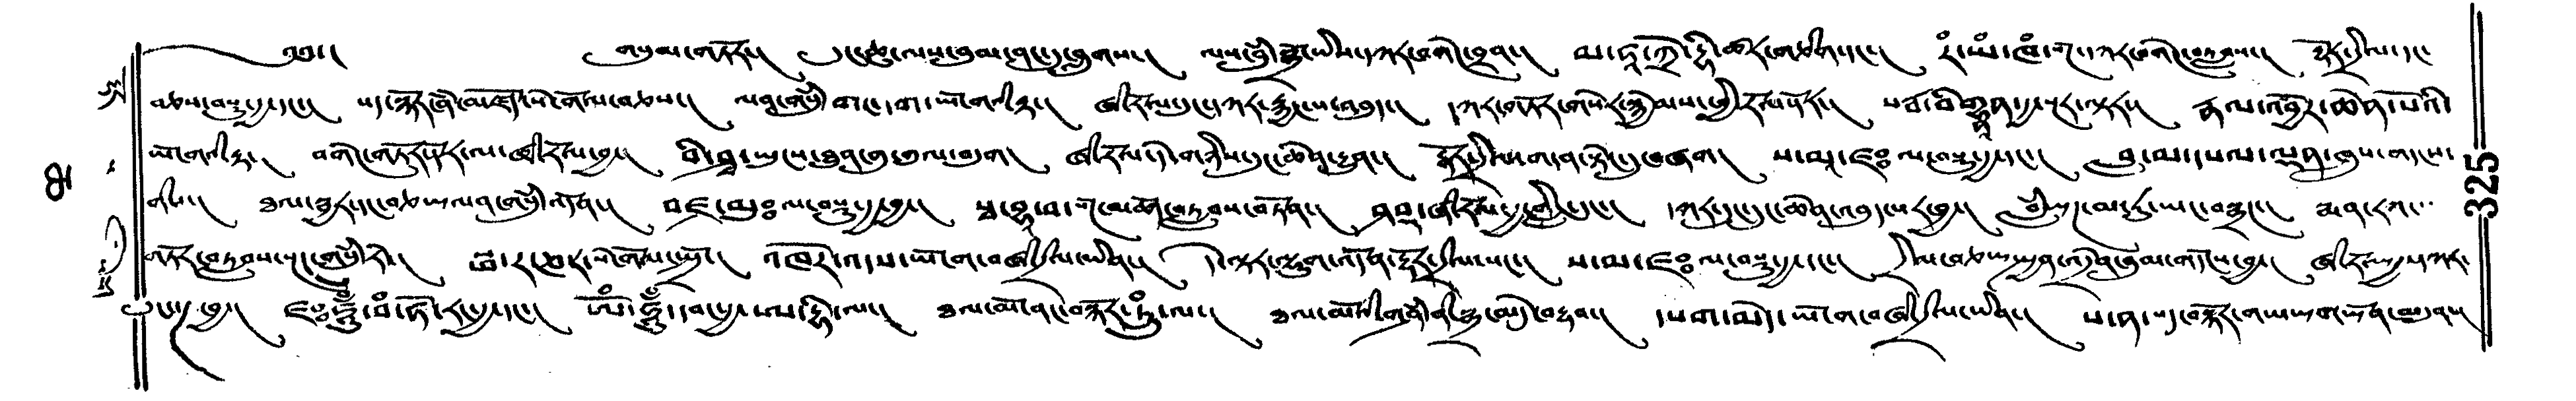གསུམ་གཏོར། །དུང་ཆུ་ལས་བུམ་ནང་དུ་བླུག །ལས་བུམ་སྒྲོ་ཡིས་དཀར་བགེགས་བྲན། །མ་ཧཱ་ཀྲོ་དྷི༴ ཚར་གཅིག་དང་། རྃ་ཡྃ་ཁྃ་སོགས་དཀར་བགེགས་བརླབ། །རྡོར་དྲིལ་དང་
བཅས་བསྡུ་རྒྱ་དང་། །པད་སྐོར་ནམ་མཛོད་སེ་གོལ་བཅས། །ལན་གསུམ་གང་དག༴ ཡོ་གའི་རྟ། །ཞི་རོལ་དུང་དཀར་རྐྱང་པ་འབུད། །དཀར་གཏོར་གསེར་སྐྱེམས་ཕྱི་རོལ་དོར། སརྦ་བིགྷྣཱ་རྒྱ་སྔར་ལྟར། །རྣལ་འབྱོར་ཆེན་པོའི༴ 
ཡོ་གའི་རྟ། །བགེགས་གཏོར་དོར་ལ་ཞི་རོལ་བྱ། །བི་ཤྭ༴ ཡུངས་ཐུན་གུ་གུལ་བདུག །ཞི་རོལ་དེ་གཉིས་དུང་ཆེན་རྒྱུན། །རྡོར་དྲིལ་གདན་སྟེང་དུ་བཞག །ས་མཱ་ཛཿ ལ་བསྡུ་རྒྱ་དང་། །བླ་མ་དཔལ་ལྡན༴ ཁྲུས་གདངས་
ཀྱིས། །ཐལ་སྦྱར་དང་བཅས་ལན་གསུམ་འདོན། །བཛྲ་མུཿ ལས་བསྡུ་རྒྱ་བྱ། །སྭ་བྷཱ་ཝ༴ སོགས་མཆོད་རླབས་བཏོན། ཤབྡ༴ ཞི་རོལ་རྒྱ་གླིང་དང་། །དཀར་དུང་དུང་ཆེན་འབུད་པར་བྱ། །བླ་མ་ཌཱ་མ་རུ་ཡང་བསྒྲག །སྨན་རཀ་
གཏོར་རླབས་སྔགས་གསུམ་རེ། །སྥ་ར་ཎ ར་སེ་གོལ་སྤྲོ། འཁོར་འདས༴ ཡོ་ག་བཞི་དྲིལ་ཡིན། །དེ་ལྟར་ལྷུག་འདོན་རྡོར་དྲིལ་སང་། །ས་མ་ཛཿ ལ་བསྡུ་རྒྱ་དང་། །དྲིལ་བཅས་སྤྱན་འདྲེན་བུམ་གདངས་བྱ། །ཞི་རོལ་རྒྱ་དཀར་
དུང་ཌཱ་བྱ། །ཛཿཧཱུྃ་བཾ་ཧོཿ རང་རྒྱ་དང་། །ཨོཾ་ཧཱུྃ་དབང་རྒྱ་ཨ་དྷི་ལ། ། ཐལ་མོ་ནང་བསྐོར་ཏྲུཾ་ལ། །ཐལ་མོའི་གཤམ་ནི་སྒྲ་མེད་བརྡབ། །དཔག་མེད༴ ཡོ་ག་བཞི་དྲིལ་ཡིན། །པ་ན༴ པད་བསྐོར་གཡས་གཡོན་མདུན།